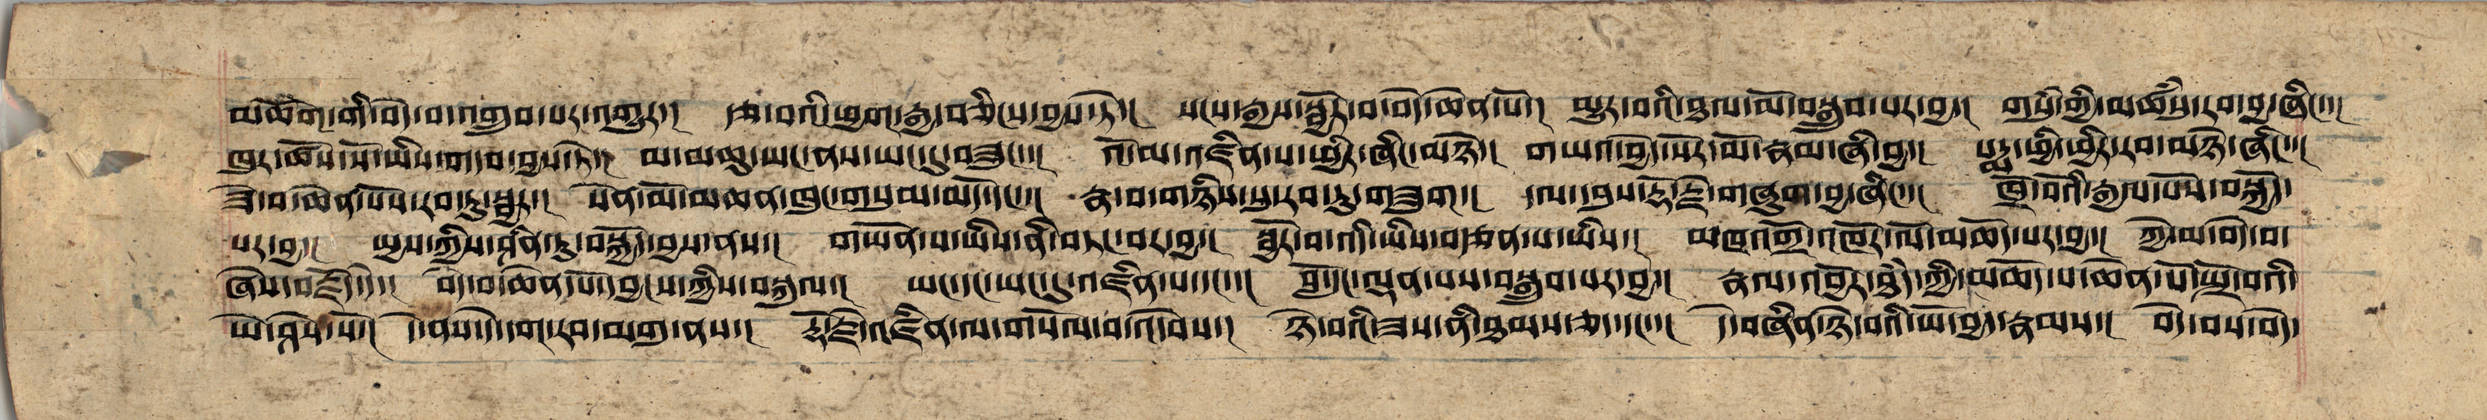མཆོག་གི་བདེ་བ་འགྲུབ་པར་འགྱུར་། རྩ་བའི་ཕྱག་རྒྱ་བཅིངས་བྱས་ཏེ་། སངས་རྒྱས་སྦྱོར་བ་བདེ་ཆེན་པོ་། མྱུར་བའི་ཐལ་མོ་བསྒྲུབ་པར་བྱ་། གསུཾ་གྱི་མཚཾསུ་རབ་བྱ་ཞིང་་།
ཁུར་ཚོས་སོ་ཡིས་གདབ་བྱས་ཏེ་། མ་མཆུ་ཡང་ནས་ཡང་དུ་བཟུང་་། འོ་མ་འཛིན་པ་ཕྱིར་ཞིང་མཉེ་། གཡའ་བྱེད་སོར་མོ་རྣམ་ཞི་བྱ་། པདྨ་ཕྱི་ཕྱིར་རབ་མཉེ་ཞིང་་།
ཟེ་བ་ཆེན་པོས་རབ་ཏུ་སྦྱར་། སེན་མོ་མཆན་ཁུང་གསུམ་མོད་དང་་། རྣ་བ་གཉིས་སུ་རབ་ཏུ་གཟུག་། དལ་དབུས་རྡོ་རྗེ་གཞུག་བྱ་ཞིང་་། ཁྲོ་བོ་རྒྱལ་པོས་བསྐྱོད་
པར་བྱ་། ཡྱས་ཀྱིས་ཤིན་ཏུ་བསྐྱོད་བྱས་ནས་། གཡོན་པ་ཡིས་ནི་བཏང་བར་བྱ་། སྦྱོར་བ་འདི་ཡིས་བརྩན་པ་ཡིས་། མཁའ་འགྲོ་འཁོར་ལོ་མཆོད་པར་བྱ་། ཀྱེ་མ་བདེ་བ་
ཞེས་བརྗོད་དེ་། བདེ་བ་ཆེན་པོ་དབྱངས་ཀྱིས་བསྐུལ་། ཡང་དང་ཡང་དུ་འཛིན་པ་དང་་། བློ་དང་ལྡན་པས་བསྒྲུབ་པར་བྱ་། རྣལ་འབྱོར་ཐཾད་ཀྱི་མཆོད་པ་ཆེན་པོ་སྤྲོ་བའི་
ཡེ་ཤེས་སོ་། དེ་ནས་དེ་དག་རབ་མགུ་ནས་། རྡོ་རྗེ་འཛིན་ལ་གསོལ་བ་འདེབས་། ཉེ་བའི་ཟས་ནི་ཐམས་ཅད་དང་་། དེ་བཞིན་ཉེ་བའི་ཡོ་བྱད་རྣམས་། བདེ་བས་བདེ་